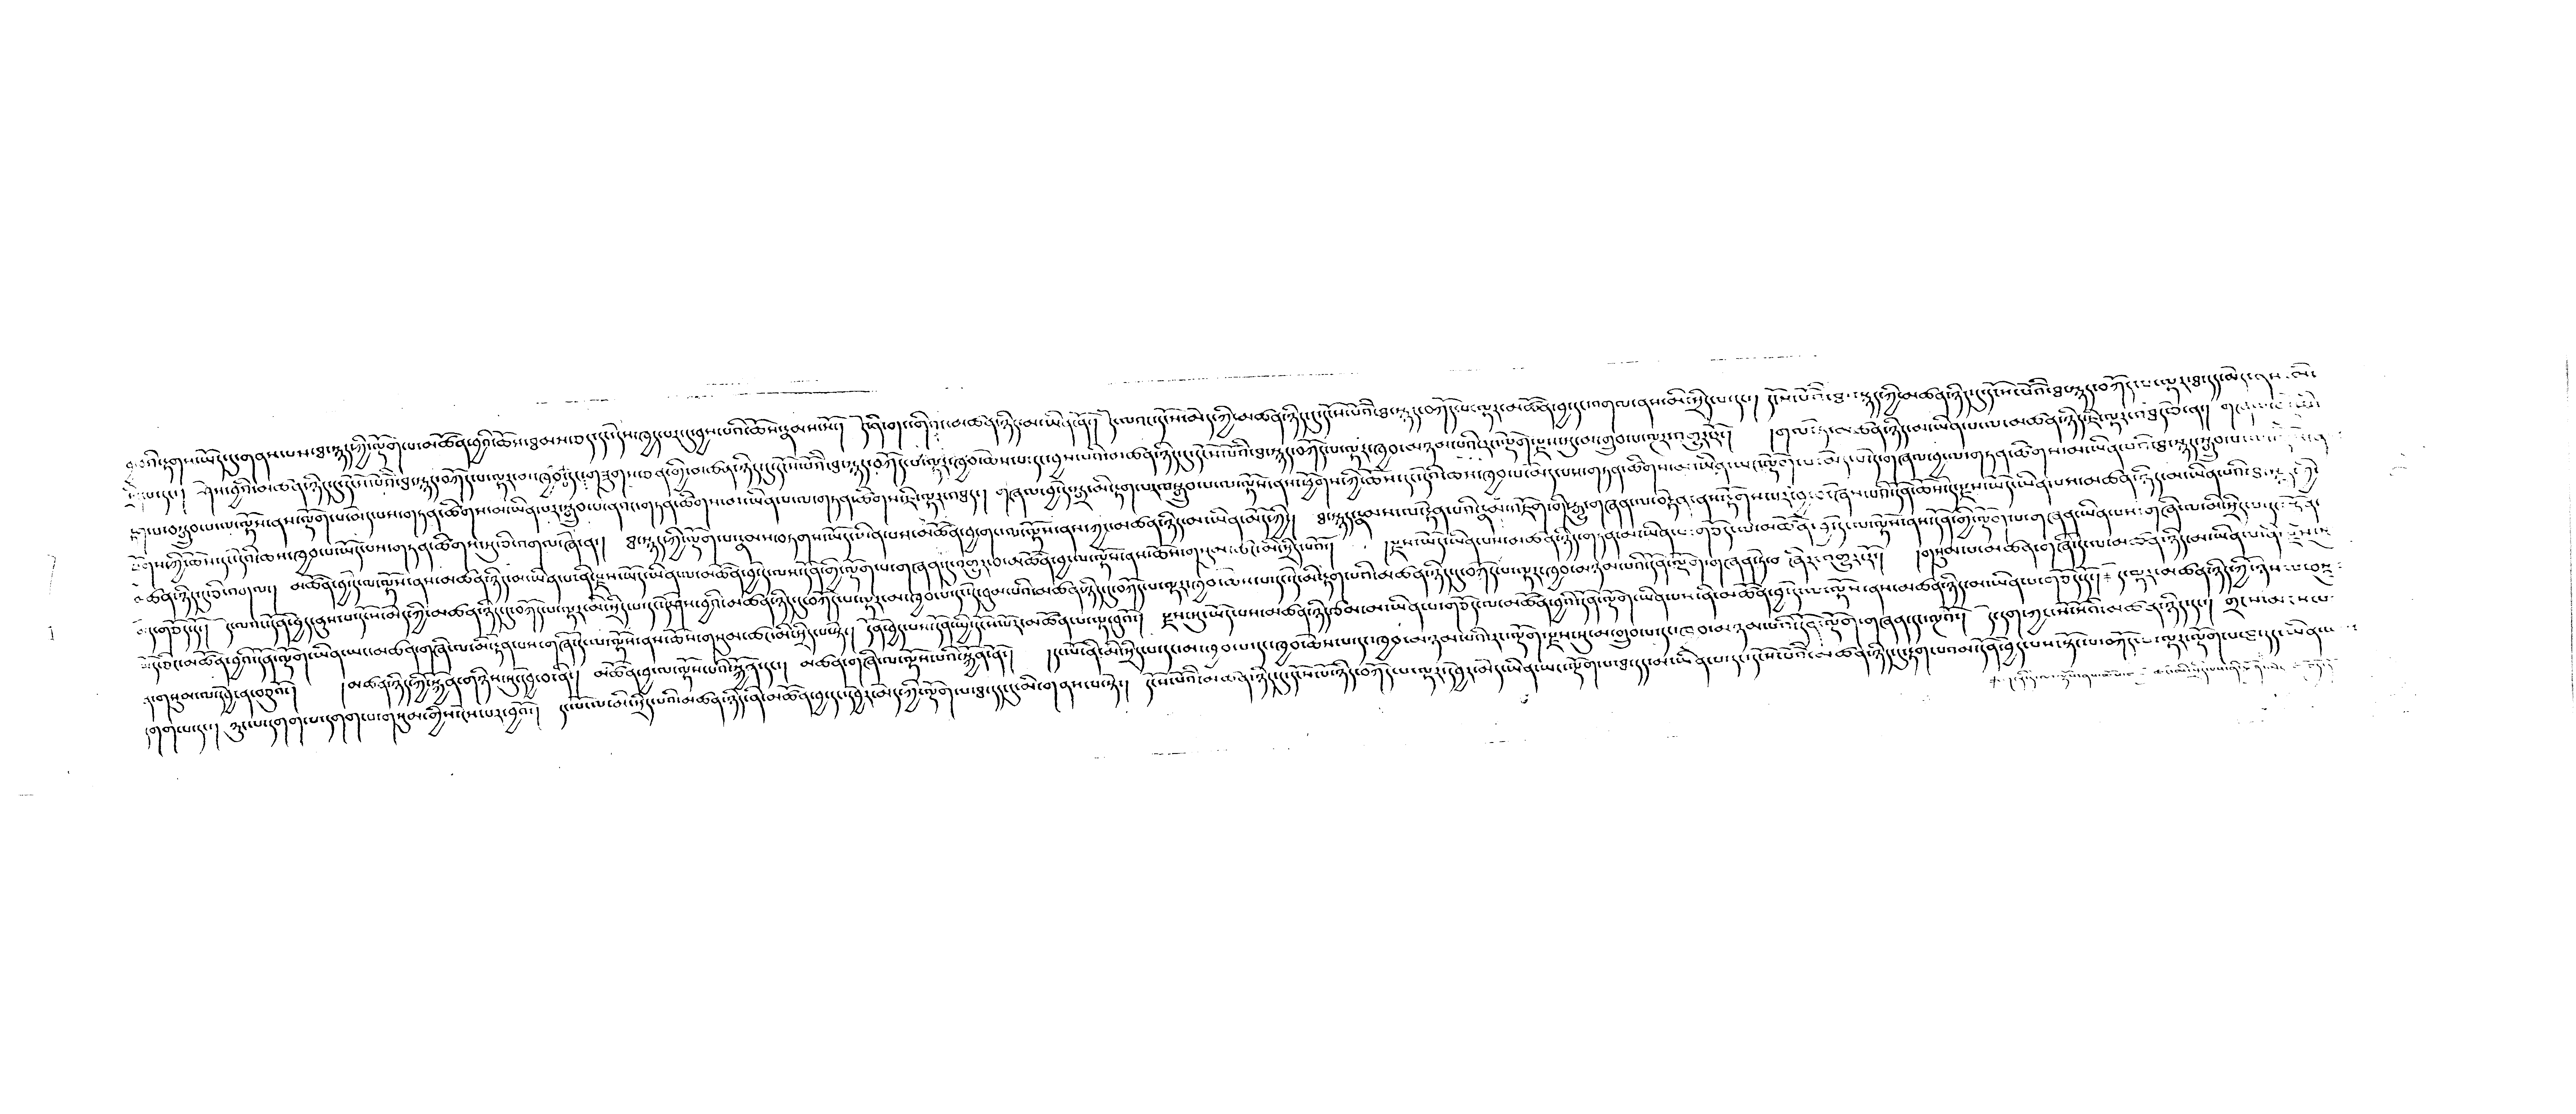བྱ་བའི་རྟགས་ཡོད་དུ་གནས་པས་ཐ་སྙད་ཀྱི་ལྡོག་པ་མཚོན་བྱའི་ཆོས་ཐམས་ཅད་དང་དེས་ཁྱད་པར་དུ་བྱས་པའི་ཆོས་རྣམས་སོ། དེ་ནི་གང་གིའང་མཚན་ཉིད་མ་ཡིན་ནོ། དེ་ལའང་དངོས་མེད་ཀྱི་མཚན་ཉིད་དུ་དངོས་པོའི་ཐ་སྙད་བཀོད་པ་ལྟར་མཚོན་བྱ་དང་འགལ་ནས་མི་སྲིད་པ་དང་། དངོས་པོའི་ཐ་སྙད་ཀྱི་མཚན་ཉིད་དུ་དངོས་པོའི་ཐ་སྙད་བཀོད་པ་ལྟར་ཐ་དད་མེད་ནས་མི་
སྲིད་པ་དང་། ཤེས་བྱའི་མཚན་ཉིད་དུ་དངོས་པོའི་ཐ་སྙད་བཀོད་པ་ལྟར་མ་ཁྱབ་པ་དང་གཟུགས་ཅན་གྱི་མཚན་ཉིད་དུ་དངོས་པོའི་ཐ་སྙད་བཀོད་པ་ལྟར་ཁྱབ་ཆེས་པ་དང་བྱས་པའི་མཚན་ཉིད་དུ་དངོས་པོའི་ཐ་སྙད་བཀོད་པ་ལྟར་ཁྱབ་མཉམ་པའི་རང་ལྡོག་རྫས་སུ་མ་གྲུབ་པ་ལྔར་འགྱུར་རོ། །གལ་ཏེ་མཚན་ཉིད་མ་ཡིན་པ་ལ་མཚན་ཉིད་ཇི་ལྟར་འཐད་ཅེ་ན། གཞལ་བྱ་དེ་མི་རྟག་
པ་བསྒྲུབ་པ་ལ་ལྟོས་ནས་ལྡོག་པ་མེད་པས་གཏན་ཚིགས་མ་ཡིན་པར་སྒྲུབ་པ་ནའང་གཏན་ཚིགས་མ་ཡིན་པ་ལ་གཏན་ཚིགས་ཇི་ལྟར་འཐད། གཞལ་བྱ་དེ་སྒྲ་མི་རྟག་པར་བསྒྲུབ་པ་ལ་ལྟོས་ནས་ཕྱོགས་ཀྱི་ཆོས་དང་དེའི་ཆས་ཁྱབ་པ་མེད་པས་གཏན་ཚིགས་མ་ཡིན་ཡང་ལྡོག་པ་མེད་པ་དེ་གཞལ་བྱ་ལ་གཏན་ཚིགས་མ་ཡིན་པའི་ཐ་སྙད་སྒྲུབ་པ་ལ་ལྟོས་ནས་
ཕྱོགས་ཀྱི་ཆོས་དང་དེའི་ཆས་ཁྱབ་པ་ཡོད་པས་གཏན་ཚིགས་སུ་ཅི་འགལ་ཞེ་ན། ཐ་སྙད་ཀྱི་ལྡོག་པ་རྣམས་བཏགས་ཡོད་ཡིན་པས་མཚོན་བྱ་གང་ལ་ལྟོས་ནས་ཀྱང་མཚན་ཉིད་མ་ཡིན་མོད་ཀྱི། ཐ་སྙད་རྣམས་ལ་རྟེན་པའི་རྣམ་འཇོག་གི་རྒྱུ་གཞན་ལ་བརྟེན་ནས་རྟོགས་པར་བྱ་བ་ཞེས་པའི་དོན་ཆོས་དེ་རྫས་ཡོད་ཡིན་པས་མཚན་ཉིད་མ་ཡིན་པའི་ཐ་སྙད་ཀྱི་
མཚན་ཉིད་དུ་ཅི་འགལ། མཚོན་བྱ་དེ་ལ་ལྟོས་ནས་མཚན་ཉིད་མ་ཡིན་པ་ནི་རྫས་ཡོད་ཡིན་ལ་མཚོན་བྱ་དེ་ལས་དོན་གྱི་ལྡོག་པ་གཞན་དུ་འགྱུར་བ་མཚོན་བྱ་ལ་ལྟོས་ནས་ཆོས་གསུམ་ཚང་མི་སྲིད་པའོ། །རྫས་ཡོད་ཡིན་པས་མཚན་ཉིད་གཏན་མ་ཡིན་པ་གཅོད་ལ་མཚོན་བྱ་དེ་ལ་ལྟོས་ནས་དོན་གྱི་ལྡོག་པ་གཞན་ཡིན་པས་གཞི་ལ་མི་སྲིད་པ་དང་སྐྱོན་
མེད་གཅོད་དོ། དེ་ལའང་དོན་བྱེད་ནུས་པ་དངོས་མེད་ཀྱི་མཚན་ཉིད་དུ་བཀོད་པ་ལྟར་མི་སྲིད་པ་དང་དེ་ཤེས་བྱའི་མཚན་ཉིད་དུ་བཀོད་པ་ལྟར་མ་ཁྱབ་པ་དང་དེ་བུམ་པའི་མཚན་ཉིད་དུ་བཀོད་པ་ལྟར་ཁྱབ་ཆོས་པ་དང་དེ་མི་རྟག་པའི་མཚན་ཉིད་དུ་བཀོད་པ་ལྟར་ཁྱབ་མཉམ་པའི་དོན་ལྡོག་གཞན་ཏེ་བཞིར་འགྱུར་རོ། །གསུམ་པ་མཚན་གཞི་དེ་ལ་མཚན་ཉིད་མ་ཡིན་པ་ནི་རྗེས་སུ་
ཡོད་ཅིང་མཚོན་བྱའི་དོན་ལྡོག་ཡིན་ཡང་མཚན་གཞི་ལ་མི་རྟེན་པས་གཞི་དེ་ལ་ལྟོས་ནས་ཆོས་གསུམ་ཚང་མི་སྲིད་པ་སྟེ། དོན་བྱེད་པས་དོན་སྤྱི་དངོས་པོར་མཚོན་པ་ལྟ་བུའོ། རྫས་སུ་ཡོད་པས་མཚན་ཉིད་ཙམ་མ་ཡིན་པ་གཅོད་ལ་མཚོན་བྱའི་དོན་ལྡོག་ཡིན་པས་ནི་མཚོན་བྱ་དེ་ལ་ལྟོས་ནས་མཚན་ཉིད་མ་ཡིན་པ་གཅོད་དོ། དེ་ལྟར་མཚན་ཉིད་ཀྱི་ཉེས་པ་བསྡུ་
ན་གསུམ་ལ་དབྱེ་ན་བཅུའོ། །མཚན་ཉིད་ཀྱི་སྐྱོན་གཉིས་སུ་དབྱེ་བ་ནི། མཚོན་བྱ་ལ་ལྟོས་པའི་སྐྱོན་དང་། མཚན་གཞི་ལ་ལྟོས་པའི་སྐྱོན་ནོ། །དང་པོ་ནི་མི་སྲིད་པ་དང་མ་ཁྱབ་པ་དང་ཁྱབ་ཆེས་པ་དང་ཁྱབ་མཉམ་པའི་རང་ལྡོག་རྫས་སུ་མ་གྲུབ་པ་དང་ཁྱབ་མཉམ་པའི་དོན་ལྡོག་གཞན་དང་ལྔའོ། དེ་དག་ཀྱང་སོ་སོའི་མཚན་ཉིད་དང་། གྲངས་མངས་པ་
དགག་པ་དང་། ཉུང་པ་དགག་པ་དགག་པ་གསུམ་གྱིས་ངེས་པར་བྱའོ། དང་པོ་ལ་མི་སྲིད་པའི་མཚན་ཉིད་ནི་མཚོན་བྱ་དང་དབྱེར་མེད་ཀྱི་ལྡོག་པ་ཐ་དད་དུ་མི་གནས་པ་སྟེ། དངོས་པོའི་མཚན་ཉིད་དུ་དངོས་པོ་ཉིད་བཀོད་པ་ལྟར་དབྱེར་མེད་ཡིན་ཡང་ལྡོག་པ་ཐ་དད་མ་ཡིན་པ་དང་དངོས་པོའི་མཚན་ཉིད་དུ་རྟག་པའམ་དོན་བྱེད་པས་སྟོང་པ་བཀོད་པ་ལྟར་ལྡོག་པ་ཐ་དད་ཡིན་པ་